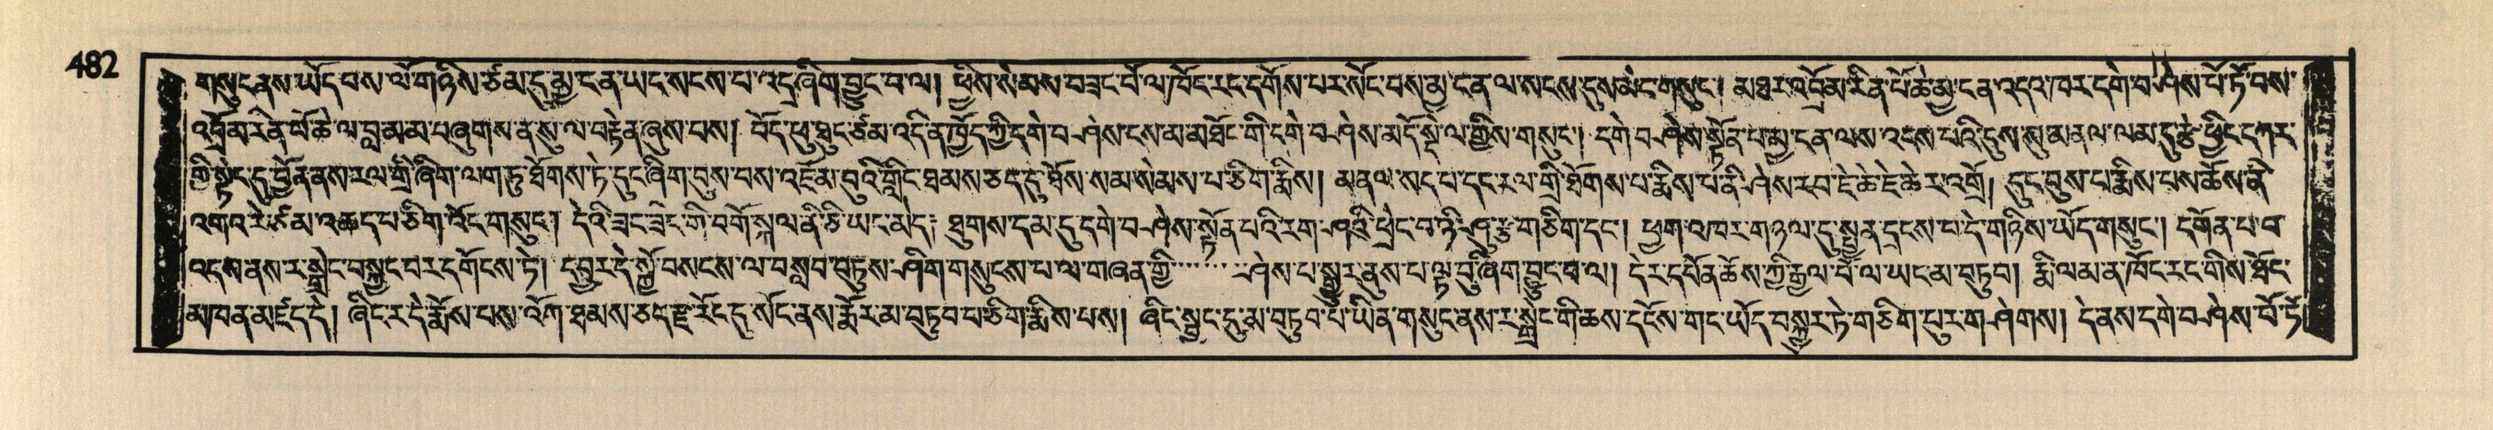གསུང་ནས་ཡོད་པས་ལོ་གཉིས་ཙམ་དུ་མྱ་ངན་ཡང་སངས་པ་འདྲ་ཞིག་བྱུང་བ་ལ། ཕྱིས་སེམས་བཟང་པོ་ལ་ཁོང་རང་དགོས་པར་སོང་བས་མྱ་ངན་ལ་སངས་དུས་མེད་གསུང་། མཐར་འབྲོམ་རིན་པོ་ཆེ་མྱ་ངན་འདའ་ཁར་དགེ་བཤེས་པོ་ཏོ་བས་
འབྲོམ་རིན་པོ་ཆེ་ལ་བླ་མ་མ་བཞུགས་ན་སུ་ལ་བརྟེན་ཞུས་བས། བོད་ཕུ་ཐུང་ཙམ་འདི་ན་ཁྱོད་ཀྱི་དགེ་བཤེས་ངས་མ་མཐོང་གི་དགེ་བཤེས་མདོ་སྡེ་ལ་གྱིས་གསུང་། དགེ་བཤེས་སྟོན་པ་མྱ་ངན་ལས་འདས་པའི་དུས་སུ་མནལ་ལམ་དུ་རྩེ་ཕྱིང་དཀར་
གྱི་སྟེང་དུ་བྱོན་ནས་རལ་གྲི་ཞིག་ལག་ཏུ་ཐོགས་ཏེ་དུང་ཞིག་བུས་བས་འཛམ་བུའི་གླིང་ཐམས་ཅད་དུ་ཐོས་སམ་སེམས་པ་ཅིག་རྨིས། མནལ་སད་པ་དང་རལ་གྲི་ཐོགས་པ་རྨིས་པ་ནི་ཤེས་རབ་ཇེ་ཆེ་ཇེ་ཆེར་འགྲོ། དུང་བུས་པ་རྨིས་པས་ཆོས་ནི་
འགའ་རེ་ཙམ་འཆད་པ་ཅིག་འོང་གསུང་། དེའི་ཟང་ཟིང་གི་བགོ་སྐལ་ནི་ཅི་ཡང་མེད༑ ཐུགས་དམ་དུ་དགེ་བཤེས་སྟོན་པའི་རག་ཤའི་ཕྲེང་བ་ཉི་ཤུ་རྩ་གཅིག་དང་། ཕྱག་འཁར་གཉལ་དུ་སྤྱན་དྲངས་བ་དེ་གཉིས་ཡོད་གསུང་། དགོན་པ་བ་
འདས་ནས་ར་སྒྲེང་བསྐྱང་བར་དགོངས་ཏེ། དབྱར་དེ་སྐྱོ་བསངས་ལ་བསླབ་བཏུས་ཤིག་གསུངས་པ་ལ་གཞན་གྱི་ཤེས་པ་སྒྱུར་ནུས་པ་ལྟ་བུ་ཞིག་བྱུང་བ་ལ། དེར་དཔོན་ཆོས་ཀྱི་རྒྱལ་པོ་ལ་ཡང་མ་བཏུབ། རྨི་ལམ་ན་ཁོང་རང་གིས་ཐོང་
མཁན་མཛད་དེ། ཞིང་ར་དེ་རྨོས་པས་འོག་ཐམས་ཅད་རྫ་རོང་དུ་སོང་ནས་རྨོར་མ་བཏུབ་པ་ཅིག་རྨིས་པས། ཞིང་སྦྱང་དུ་མ་བཏུབ་པ་ཡིན་གསུང་ནས་ར་སྒྲེང་གི་ཆས་དངོས་གང་ཡོད་བསྐྱུར་ཏེ་གཅིག་པུར་གཤེགས། དེ་ནས་དགེ་བཤེས་པོ་ཏོ་